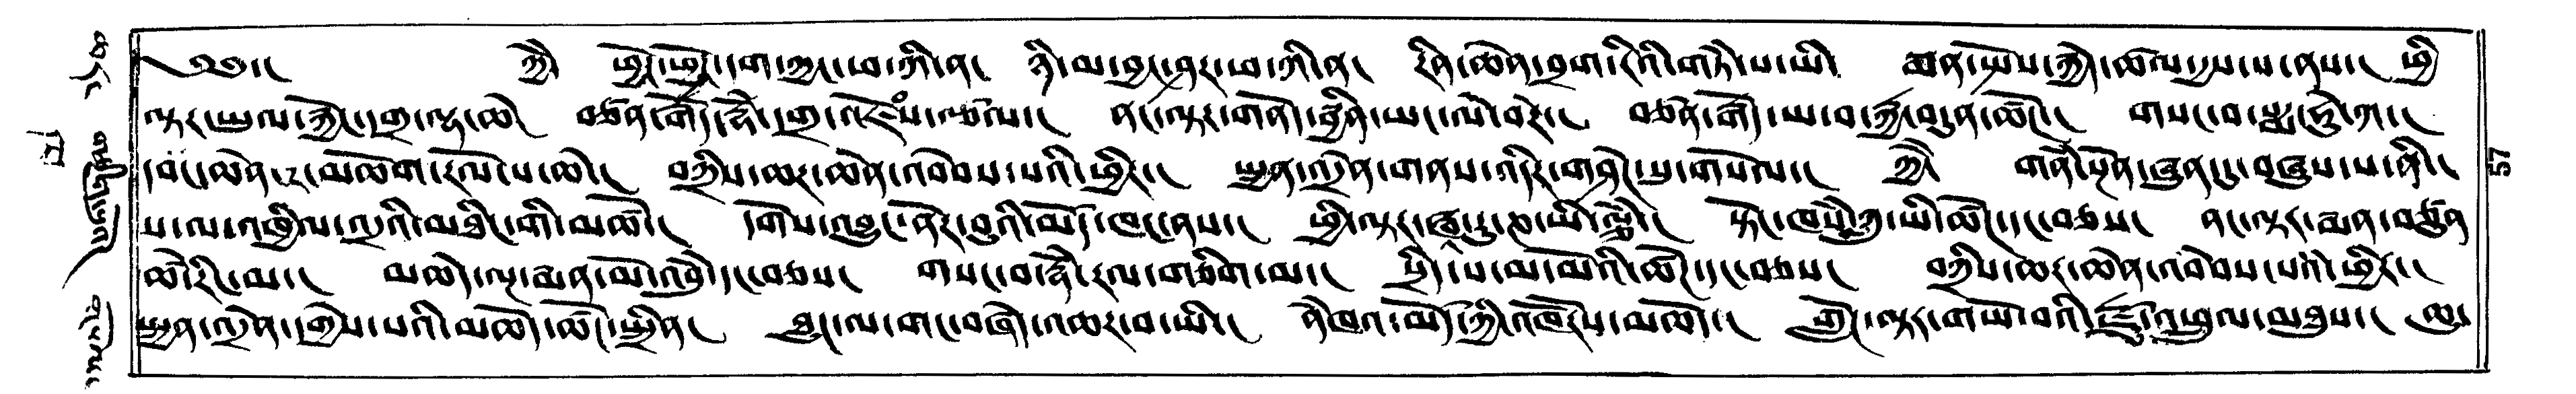ཀྱཻ། ཕྱོགས་ཕྱོགས་དག་ཀྱང་ཕ་ཀི་ན། །ཉི་མ་བྱང་ཤར་ཕ་ཀི་ན། །རིན་ཆེན་བྲག་རིའི་གཏམས་པ་ཡི། །སྨན་སྤོས་སྐྱེད་ཚལ་རྒྱས་པ་ནས། །ཕྱི་
ལྟར་ཡུལ་སྐྱོང་དགྲ་ལྷ་ཆེ། །བཙན་རྒོད་རྡོ་རྗེད་གྲ་འཇོམས་རྩལ།། ནང་ལྟར་གནོད་སྦྱི་ཡང་ལེ་བེར། །བཙན་རྒོད་ཡ་བ་རྐྱ་བདུན་ཚོགས། །གསང་བ་པདྨ་ཧེ་རུ་ཀ །
དབང་ཆེན་རྟ་མཆོག་རོལ་པ་ཆེ། །བཀྲ་ཤིས་ཆར་ཆེན་འབེབས་པའི་ཕྱིར། །སྤྱན་འདྲེན་གནས་འདིར་གཤེགས་སུ་གསོལ།། ཀྱཻ། །གནམ་སྔོན་ཞུན་དུ་བཞུས་པ་ནི། །
ས་ལ་འཁྱིལ་འདྲའི་མཐིང་གི་མཚོ། །དགོས་འབྱུང་ནོར་བུའི་མཛོད་ཁང་ནས། ཕྱི་ལྟར་ཝ་རུ་ཎ་ཡི་ལྕམ། །སྟོང་ཁམས་ཀླུ་ཡི་ཚོགས་དང་བཅས། །ནང་ལྟར་སྨན་བཙུན་
ཚེ་རིང་མ། །མཆེད་ལྔ་སྨན་མོ་འབུམ་དང་བཅས། གསང་བ་རྣལ་འབྱོར་རལ་གཅིག་མ། །སྲིད་པ་མ་མོའི་ཚོགས་དང་བཅས། བཀྲ་ཤིས་ཆར་ཆེན་འབེབས་པའི་ཕྱིར། །
སྤྱན་འདྲེན་དགྱེས་པའི་མཆོད་ཚོགས་སྤྲིན། །ཐུགས་ལ་གང་བཞེད་འཆར་བ་ཡི། །ནམ་མཁའ་མཛོད་ཀྱི་འཁོར་ལོས་མཆོད། །གློག་ལྟར་གཡོ་བའི་རྫུ་འཕྲུལ་མཐུས།། ཆུ་